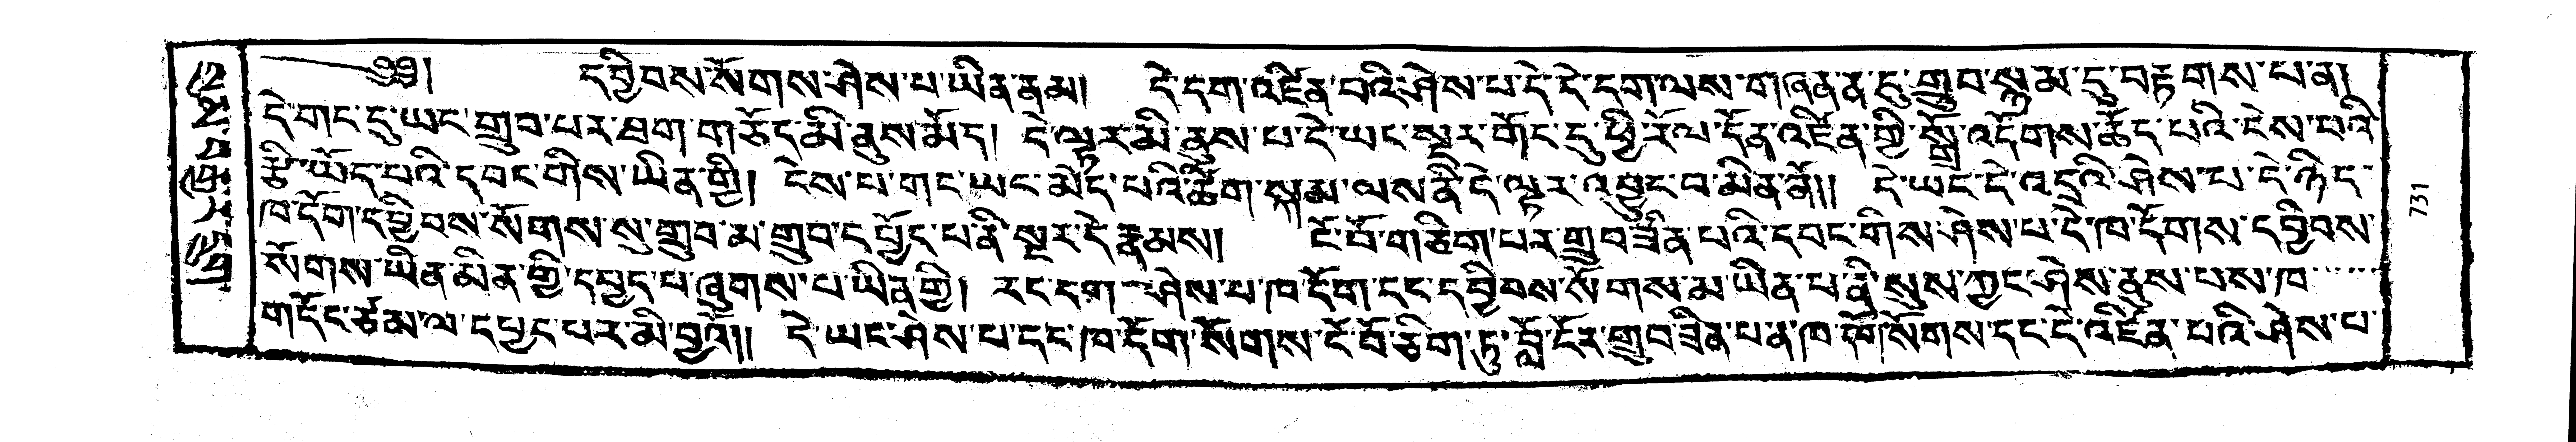༄༅། །དབྱིབས་སོགས་ཤེས་པ་ཡིན་ནམ། དེ་དག་འཛིན་པའི་ཤེས་པ་དེ་དེ་དག་ལས་གཞན་ན་དུ་གྲུབ་སྙམ་དུ་བརྟགས་པ་ན།
དེ་གང་དུ་ཡང་གྲུབ་པར་ཐག་གཅོད་མི་ནུས་མོད། དེ་ལྟར་མི་ནུས་པ་དེ་ཡང་སྔར་གོང་དུ་ཕྱི་རོལ་དོན་འཛིན་གྱི་སྒྲོ་འདོགས་ཆོད་པའི་ངེས་པའི་
རྩི་ཡོད་པའི་དབང་གིས་ཡིན་གྱི། ངེས་པ་གང་ཡང་མེད་པའི་ཚིག་སྐམ་ལས་ནི་དེ་ལྟར་འབྱུང་བ་མིན་ནོ།། དེ་ཡང་དེ་འདྲའི་ཤེས་པ་དེ་ཉིད་
ཁ་དོག་དབྱིབས་སོགས་སུ་གྲུབ་མ་གྲུབ་དཔྱོད་པ་ནི་སྔར་དེ་རྣམས། ངོ་བོ་གཅིག་པར་གྲུབ་ཟིན་པའི་དབང་གིས་ཤེས་པ་དེ་ཁ་དོགས་དབྱིབས་
སོགས་ཡིན་མིན་གྱི་དཔྱད་པ་ཞུགས་པ་ཡིན་གྱི། རང་དག་ཤེས་པ་ཁ་དོག་དང་དབྱིབས་སོགས་མ་ཡིན་པ་ནི་སུས་ཀྱང་ཤེས་ནུས་པས་ཁ་
གདོང་ཙམ་ལ་དཔྱད་པར་མི་བྱའོ།། དེ་ཡང་ཤེས་པ་དང་ཁ་དོག་སོགས་ངོ་བོ་ཅིག་ཏུ་བློ་ངོར་གྲུབ་ཟིན་པ་ན་ཁ་དོག་སོགས་དང་དེ་འཛིན་པའི་ཤེས་པ་